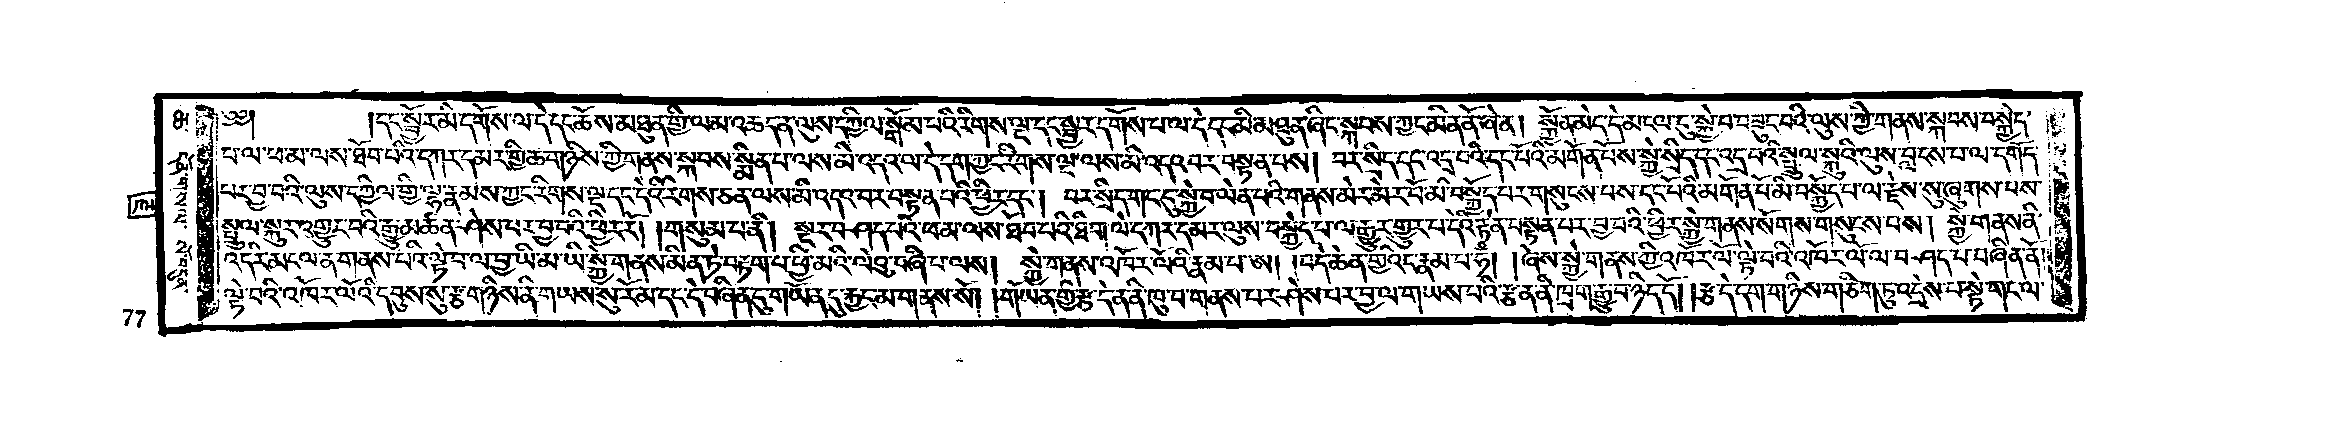༄༅། །དང་སྦྱོར་མི་དགོས་ལ་དེ་དང་ཆོས་མཐུན་གྱི་ལམ་འཆད་ན་ལུས་དཀྱིལ་སྒོམ་པའི་རིགས་ལྔ་དང་སྦྱར་དགོས་པ་ལ་དེ་དང་མི་མཐུན་ཞིང་སྐབས་ཀྱང་མིན་ནོ་ཞེ་ན། སྐྱོན་མེད་དེ་མངལ་དུ་སྐྱེ་བ་བཟུང་བའི་ལུས་ཀྱི་གནས་སྐབས་བསྐྱེད་
པ་ལ་ཕ་མ་ལས་ཐོབ་པའི་དཀར་དམར་གྱི་ཆ་གཉིས་ཀྱི་གནས་སྐབས་སྨིན་པ་ལས་མི་འདའ་ལ་དེ་དག་ཀྱང་རིགས་ལྔ་ལས་མི་འདའ་བར་བསྟན་པས། བར་སྲིད་དང་འདྲ་བའི་དང་པོའི་མགོན་པོས་སྐྱེ་སྲིད་དང་འདྲ་བའི་སྤྲུལ་སྐུའི་ལུས་བླངས་པ་ལ་དགོད་
པར་བྱ་བའི་ལུས་དཀྱིལ་གྱི་ལྷ་རྣམས་ཀྱང་རིགས་ལྔ་དང་དེའི་རིགས་ཅན་ལས་མི་འདའ་བར་བསྟན་པའི་ཕྱིར་དང་། བར་སྲིད་གང་དུ་སྐྱེ་བ་ལེན་པའི་གནས་མེར་མེར་པོ་མི་བསྐྱོད་པར་གསུངས་པས་དང་པོའི་མགོན་པོ་མི་བསྐྱོད་པ་ལ་རྗེས་སུ་ཞུགས་པས་
སྤྲུལ་སྐུར་འགྱུར་བའི་རྒྱུ་མཚན་ཤེས་པར་བྱ་བའི་ཕྱིར་རོ། །གསུམ་པ་ནི། སྔར་བཤད་པའི་ཕ་མ་ལས་ཐོབ་པའི་ཐིག་ལེ་དཀར་དམར་ལུས་བསྐྱེད་པ་ལ་རྒྱུར་གྱུར་པ་དེའི་རྟེན་བསྟན་པར་བྱ་བའི་ཕྱིར་སྐྱེ་གནས་སོགས་གསུངས་པས། སྐྱེ་གནས་ནི་
འདིར་མངལ་ན་གནས་པའི་ལྟེ་བ་ལ་བྱ་ཡི་མ་ཡི་སྐྱེ་གནས་མིན་ཏེ་བརྟག་པ་ཕྱི་མའི་ལེའུ་བཞི་པ་ལས། སྐྱེ་གནས་འཁོར་ལོའི་རྣམ་པ་ཨ། །བདེ་ཆེན་གྱིའང་རྣམ་པ་ཧཾ། །ཞེས་སྐྱེ་གནས་ཀྱི་འཁོར་ལོ་ལྟེ་བའི་འཁོར་ལོ་ལ་བཤད་པ་བཞིན་ནོ། །
ལྟེ་བའི་འཁོར་ལོའི་དབུས་སུ་རྩ་གཉིས་ནི་གཡས་སུ་རོ་མ་དང་དེ་བཞིན་དུ་གཡོན་དུ་རྐྱང་མ་གནས་སོ། །གཡོན་གྱི་རྩ་དེ་ན་ནི་ཁུ་བ་གནས་པར་ཤེས་པར་བྱ་ལ་གཡས་པའི་རྩ་ན་ནི་ཁྲག་རྒྱུ་བ་ཉིད་དོ། །རྩ་དེ་དག་གཉིས་གཅིག་ཏུ་འདྲེས་པ་སྟེ་གང་ལ་